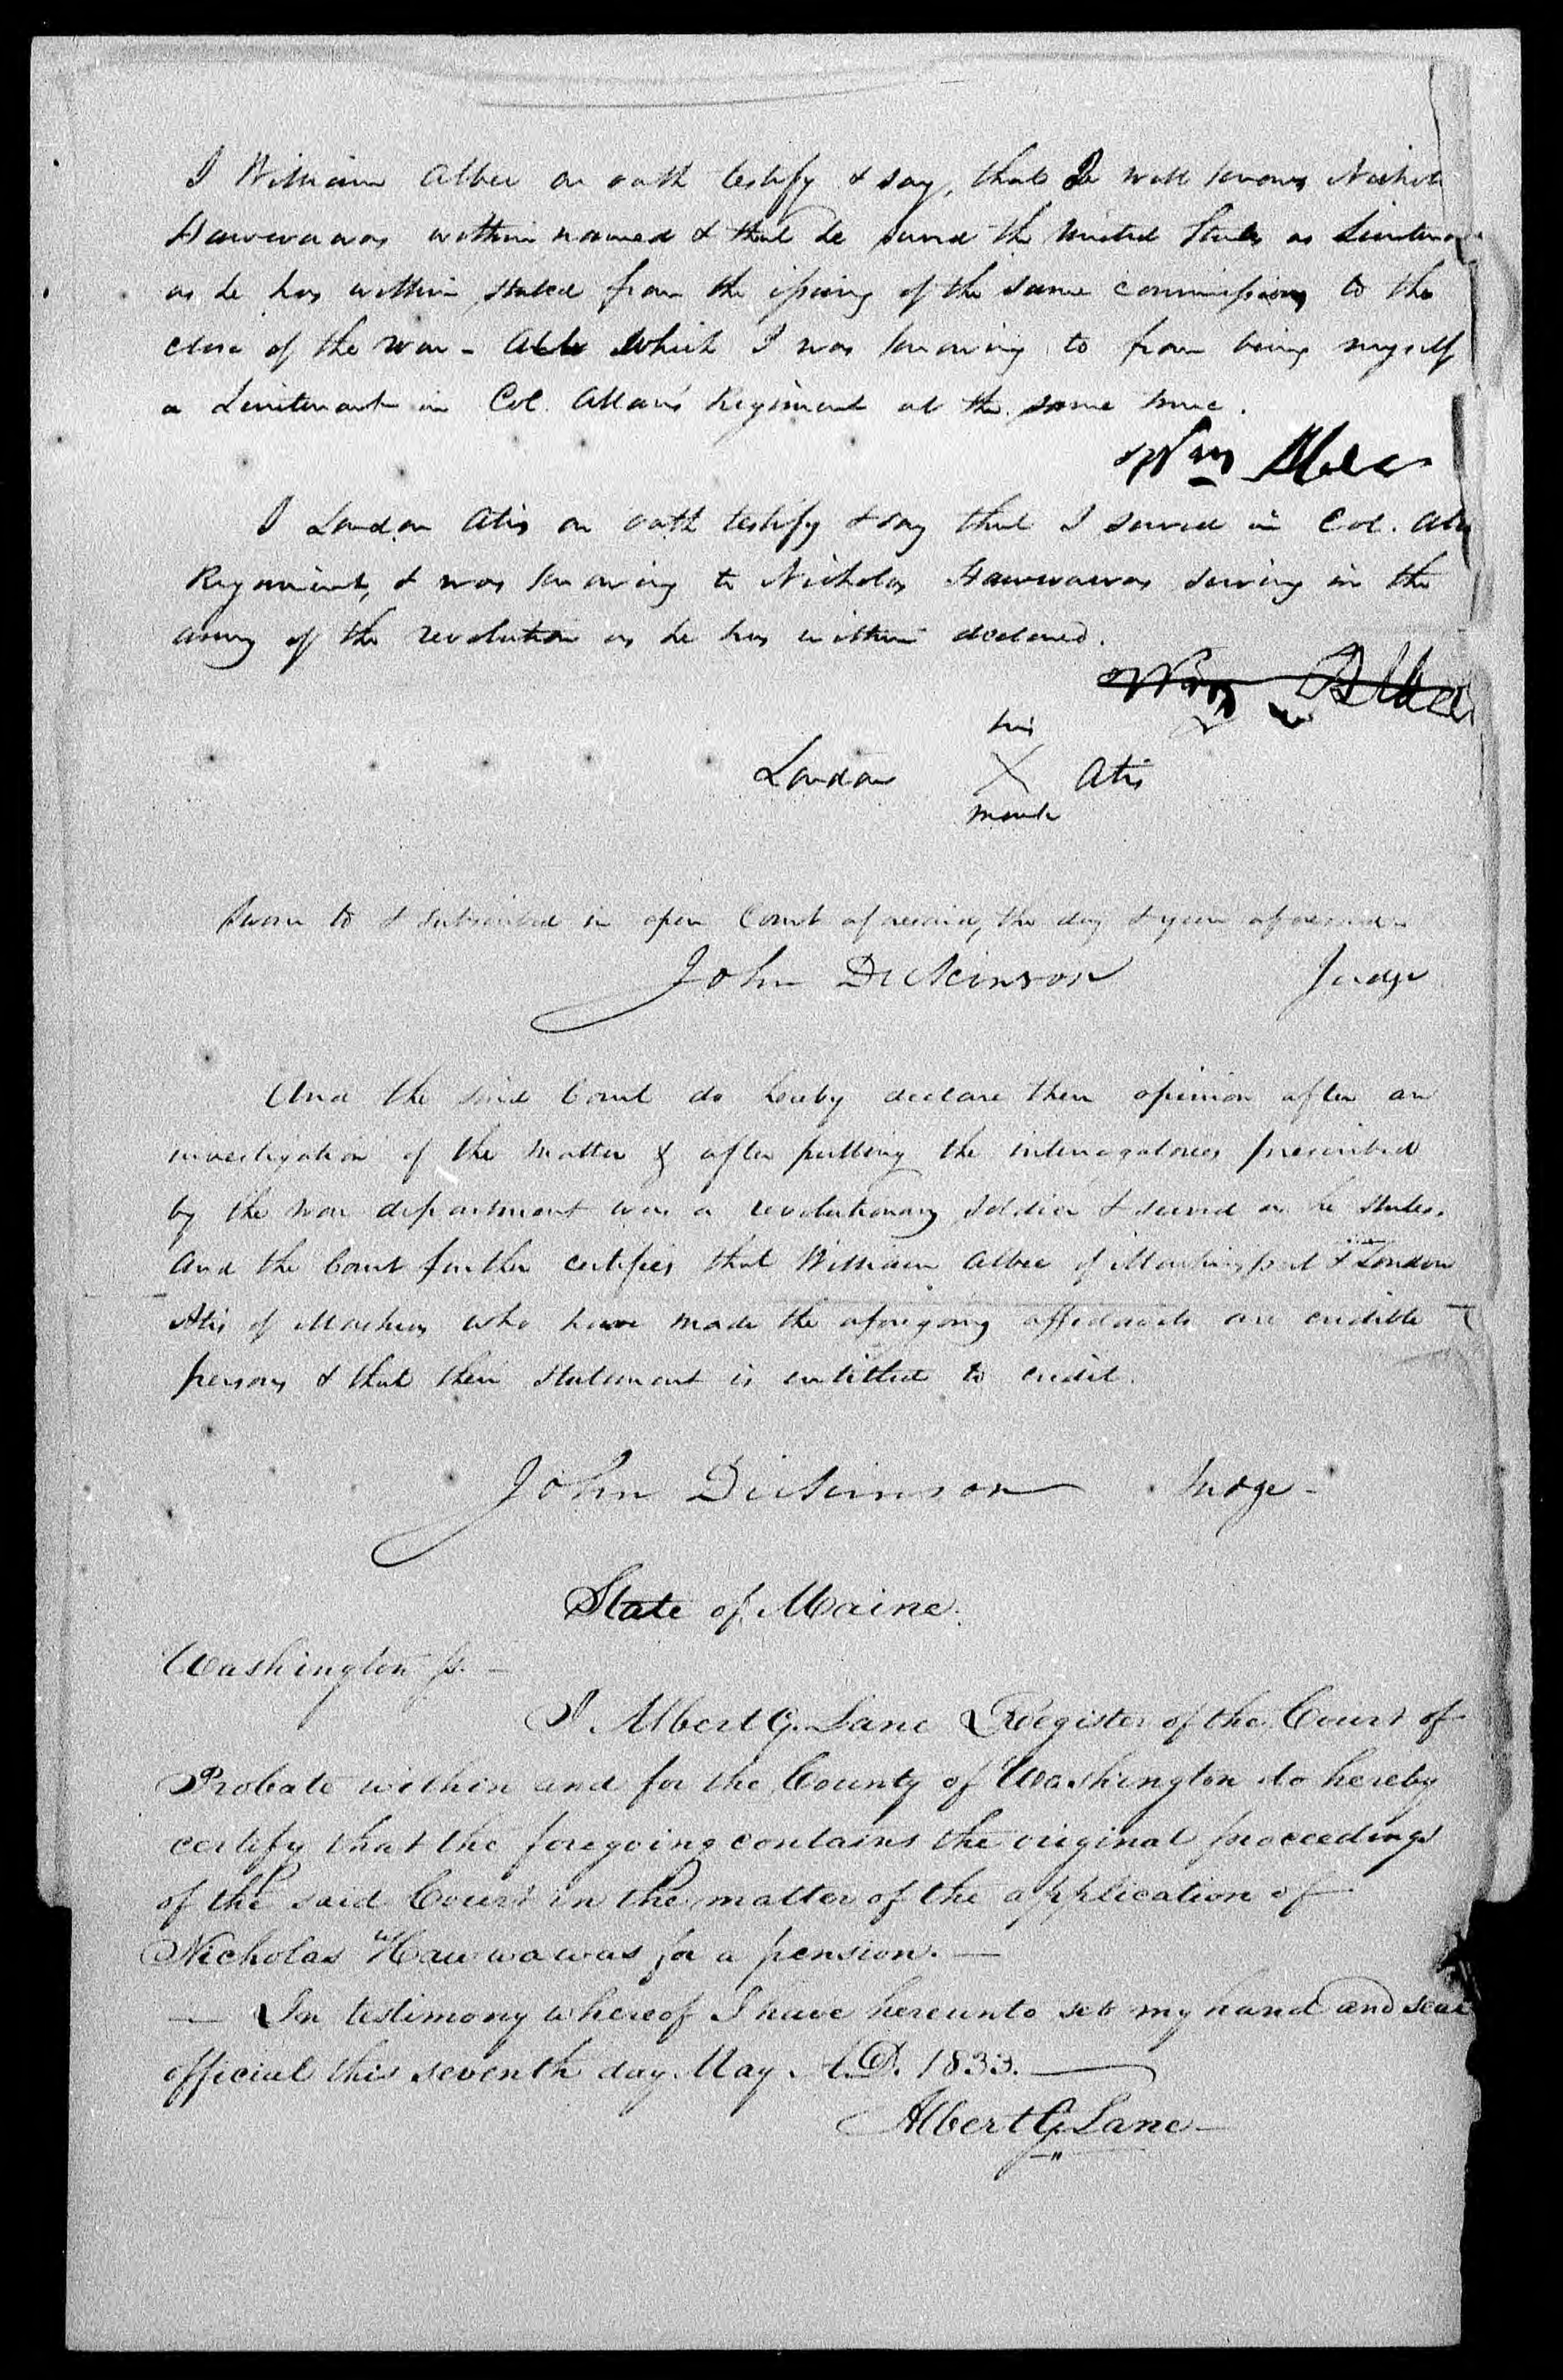I William Albee on oath testify to say, that I [will?] know Nichol[as]
Hawwawas within named & that he served the United States as Lieutenan[t]
as he has within stated from the issuing of the same commission to the
close of the war - At which I was knowing to from being myself
a Lieutentant in Col. Allan's Regiment at the same time.

Wm Albee

I Landon Atis on oath testify & say that I served in Col. Al[bee's]
Regiment, & was knowing to Nicholas Hawwawas during in the army of the revolution as he has within declared. 

[crossed out: Wm Albee]

Landon his X mark Atis

Sworn to & subscribed in open Court appearing the day & year aforesaid -
John Dickinson Judge

And the said Court do hereby declare their opinion after an
investigation of the matter & after pulling the interrogations prescribed
by the war department was a revolutionary soldier & served as he states,
And the Court further certifies that William Albee of [Markingport?] & Landon
Atis of Machias who have made the aforegoing affidavits are credible —
persons & that their statement is entitled to credit.

John Dickinson Judge -

State of Maine.

Washington ss. -

I Albert G. Lane Register of the Court of
Probate within and for the County of Washington do hereby
certify t hat the foregoing contains the original proceedings
of the said Court in the matter of the application of 
Nicholas Hawwawas for a pension. —

— In testimony whereof I have hereunto set my hand and seal
official this seventh day May A.D. 1833. —

Alberg G. Lane—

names: John Dickinson, London Atis, Nicholas Hawwawas, London Atis, William Allen, Albert G Lane, Wm Allen, Albert G Lane, Wm Allen, Nicholas Hawwawas, Nicholas Hawwawas, John Dickinson, William Allen, London Atis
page: 4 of 52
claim: survivor's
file: S 17997, Nicholas Hawwawas, Mass.